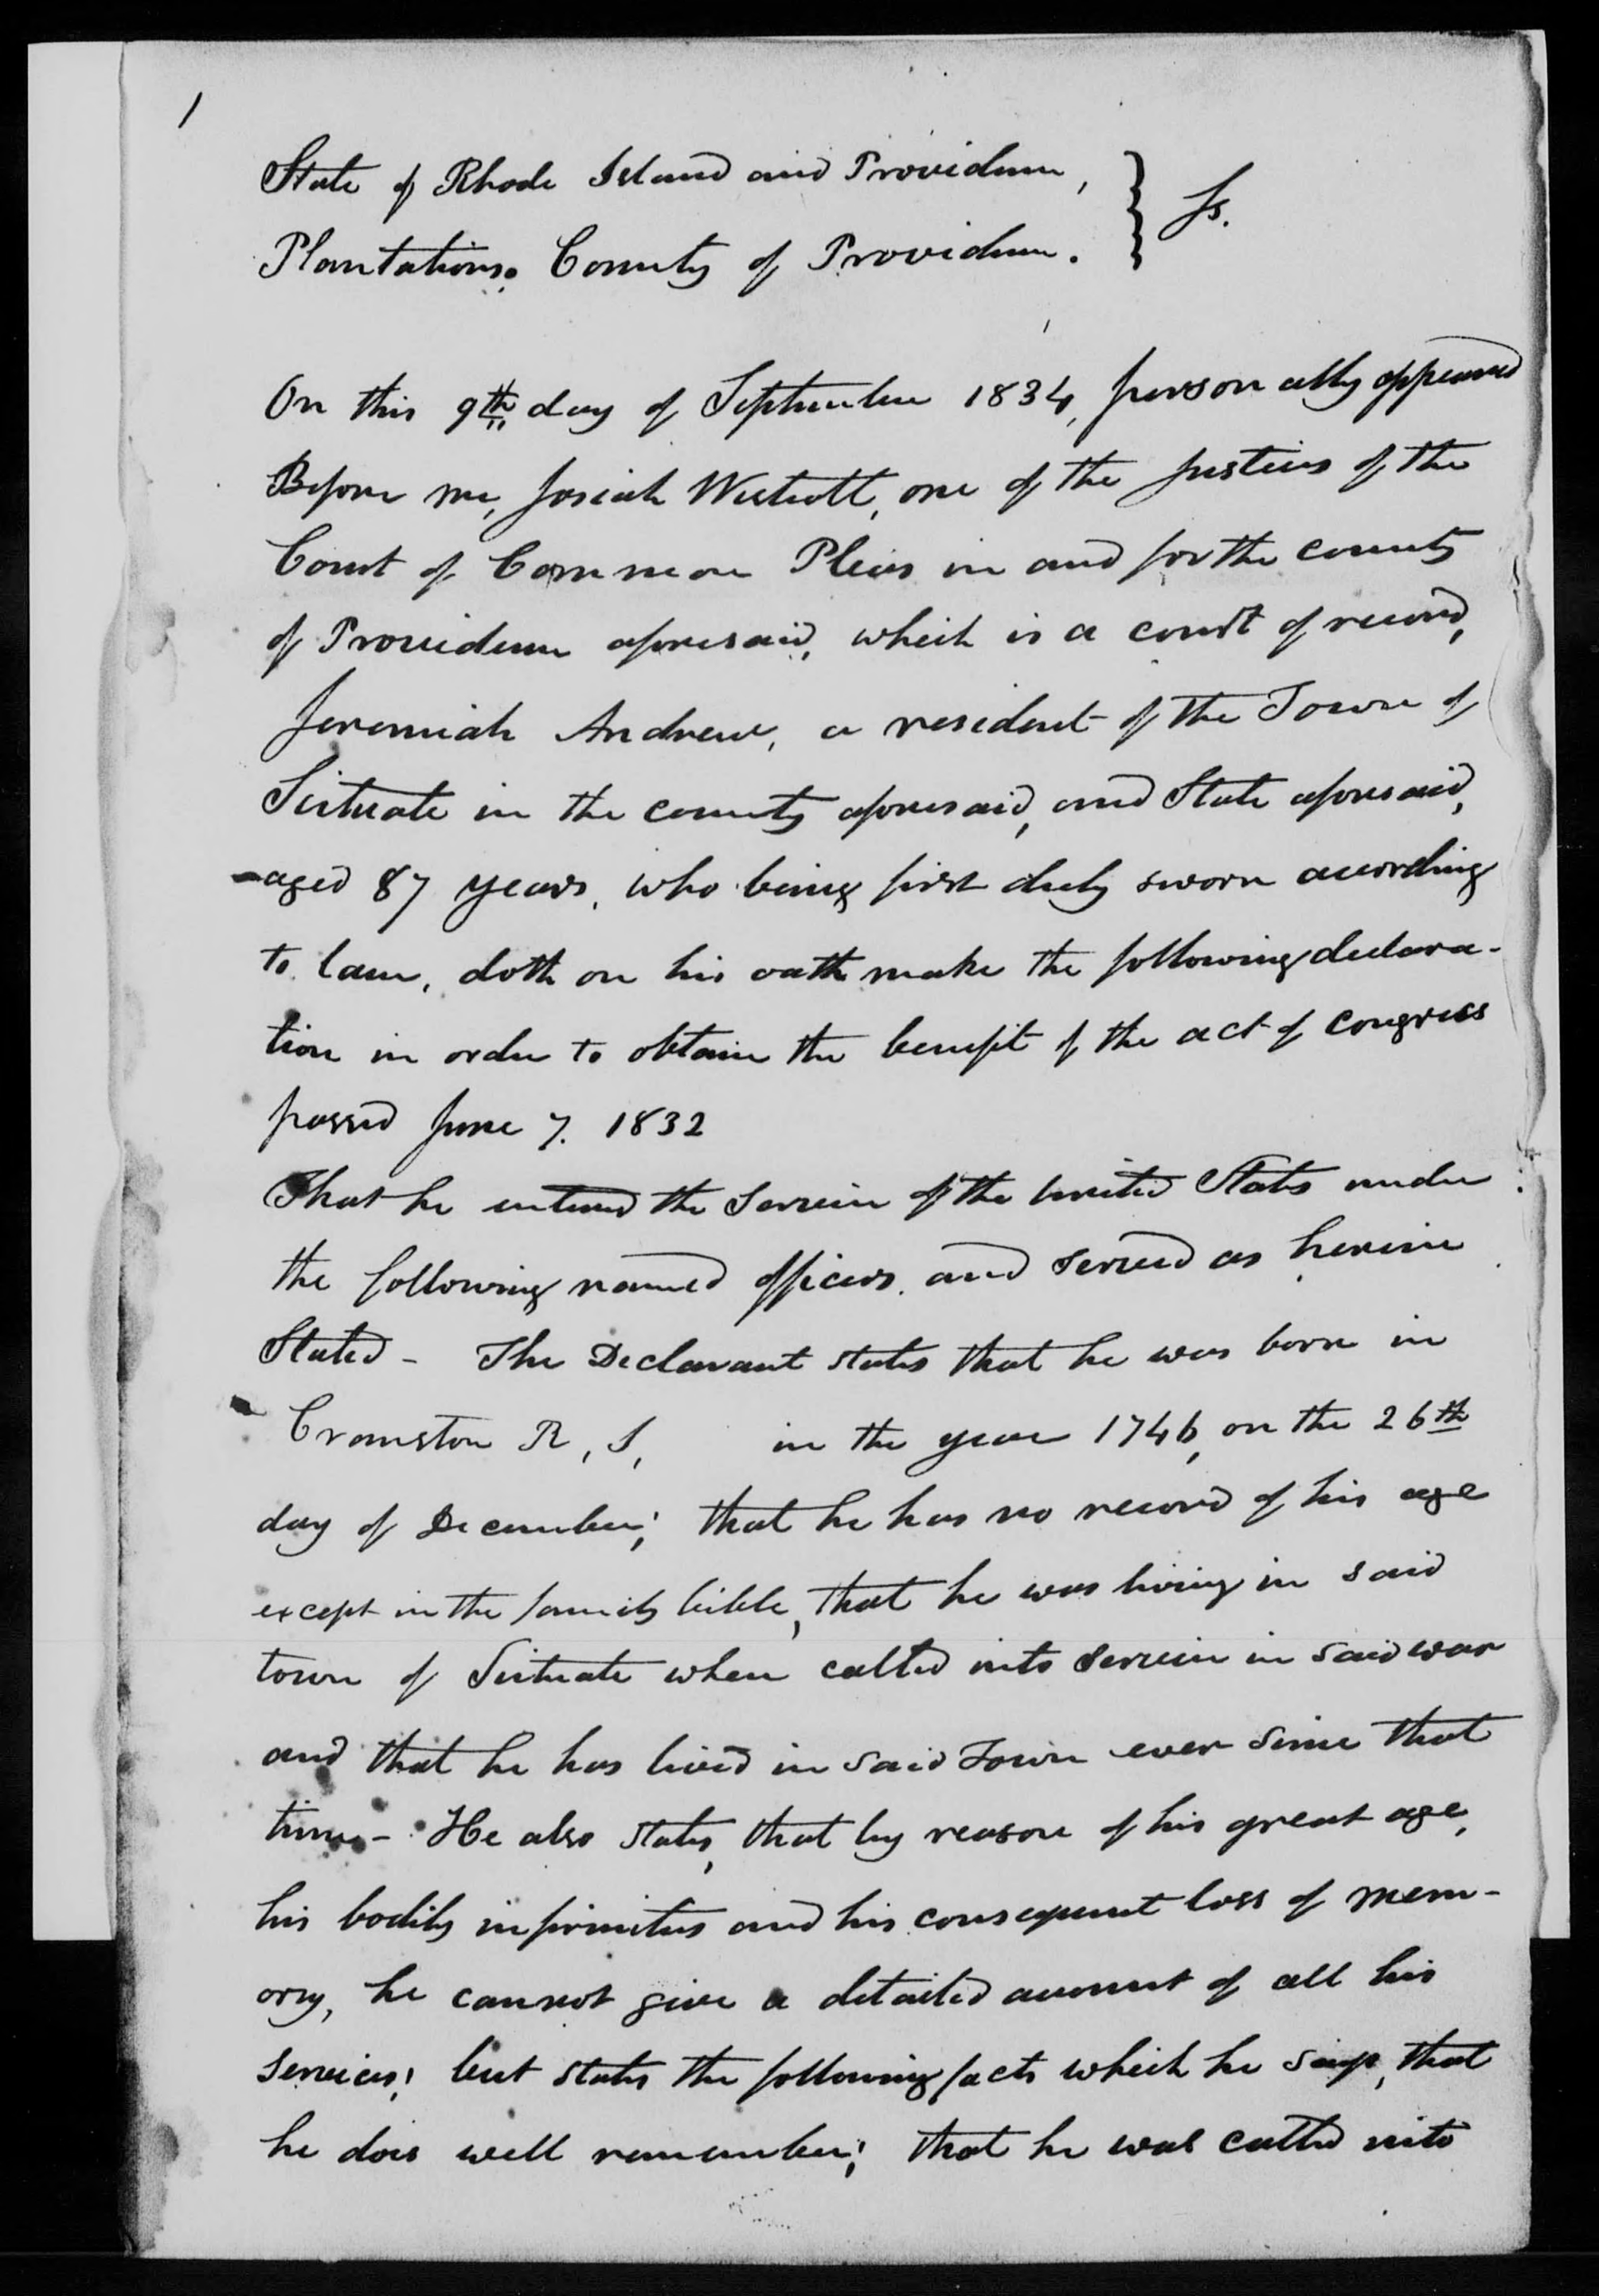State of Rhode Island and Providence
Plantation County of Providence

On this 9th day of September 1834 personally appeared Before me, Josiah Westcott one of the Justices of the Court of Common Pleas in and for the County of Providence aforesaid which is a Court of record Jeremiah Andrew, a resident of the Town of Situate in the County aforesaid, and State aforesaid, aged 87 years who being first duly sworn according to
law, doth on his oath make the following declaration in order to obtain the benefit of the act of Congress passed June 7. 1832

That he entered the service of the United States under the following named officers and served as herein Stated. The Declarant states that he was born in Cranston R.I. in the year 1746 on the 26th day of December, that he has no record of his age except in the family bible, that he was living in said town of Situate when called into service in said war and that he has lived in said Town ever since that times. He also states that by reason of his great age,
his bodily infirmities and his consequent loss of memory, he cannot give a detailed account of all his services; but states the following facts which he says that he does well remember; that he was called into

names: Jeremiah Andrew, Josiah Westcott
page: 3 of 29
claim: survivor's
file: S 21602, Jeremiah Andrew, R.I.